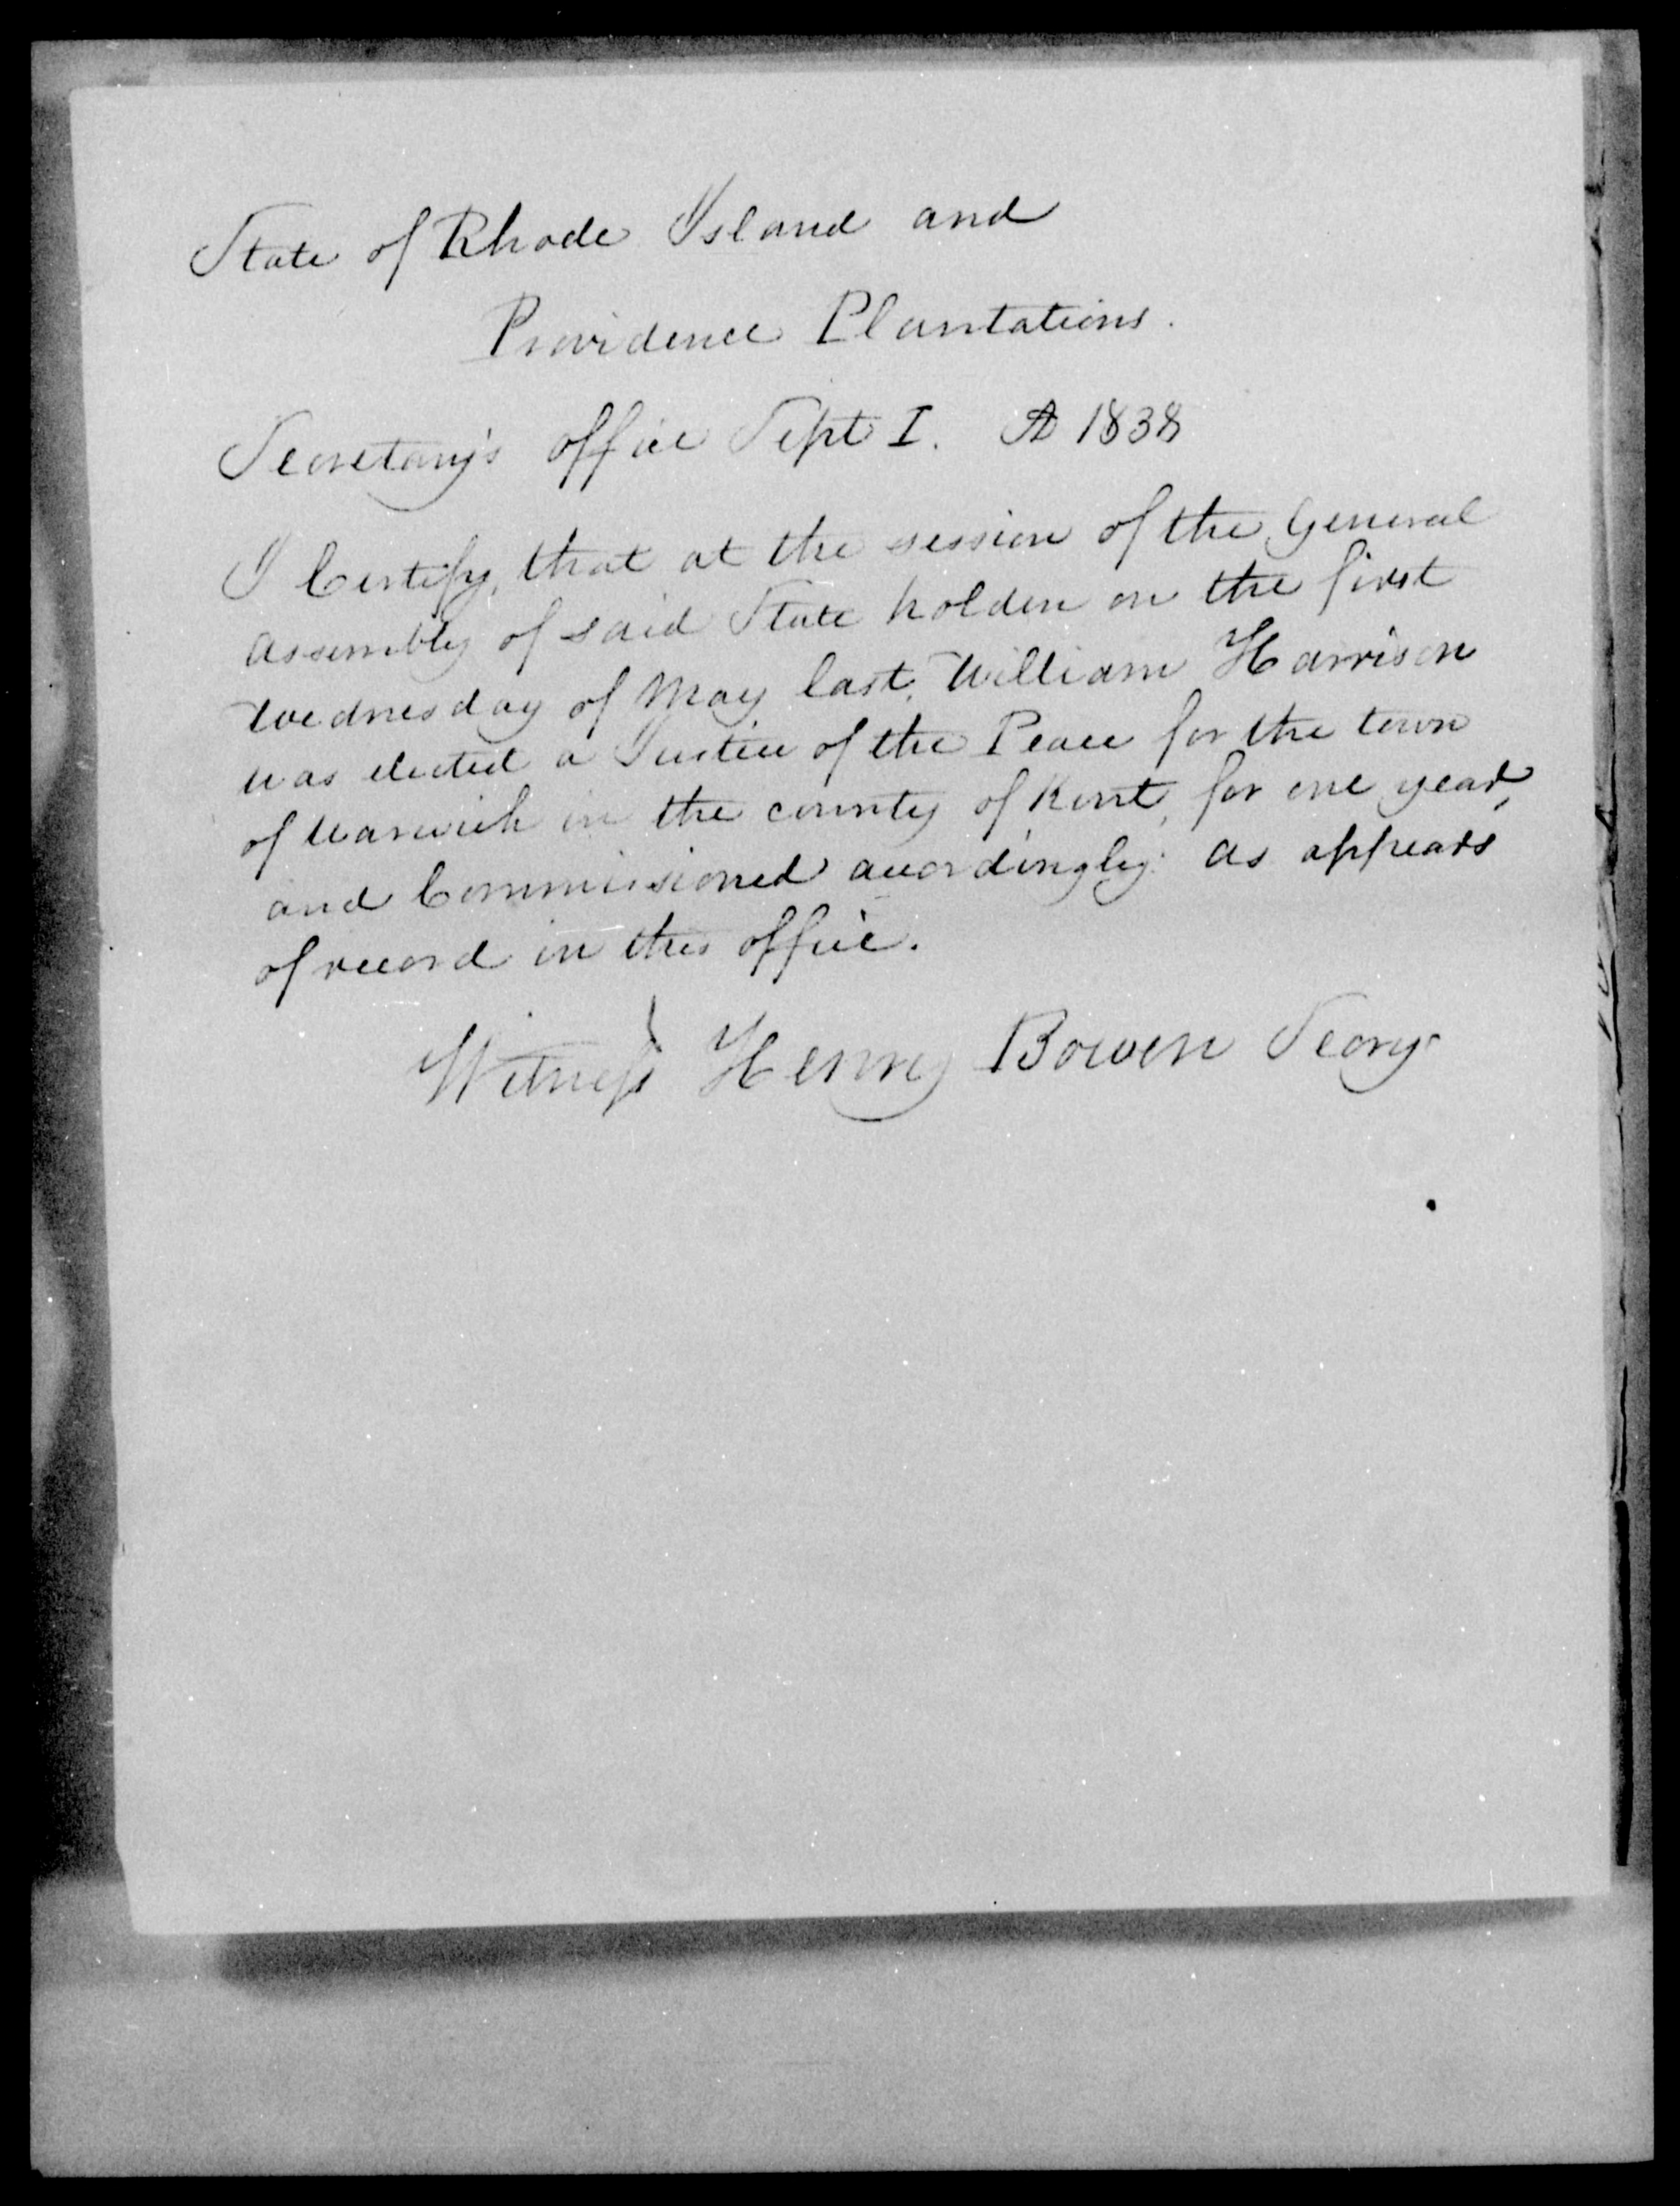State of Rhode Island and
Providence Planttions
Secretary's office Sept 1 AD 1838
I Certify that at the session of the General Assembly of said State Holden on the first Wednesday of May last William Harrison was elected a Justice of the Peace for the town of Warwick in the County of Kent for one year and commissioned accordingly as appears of record in the office.
Witness Henry Bowen Secry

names: Henry Bowen; William Harrison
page: 9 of 50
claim: widow's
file: W. 22058, for Benjamin Rhodes, Rhode Island